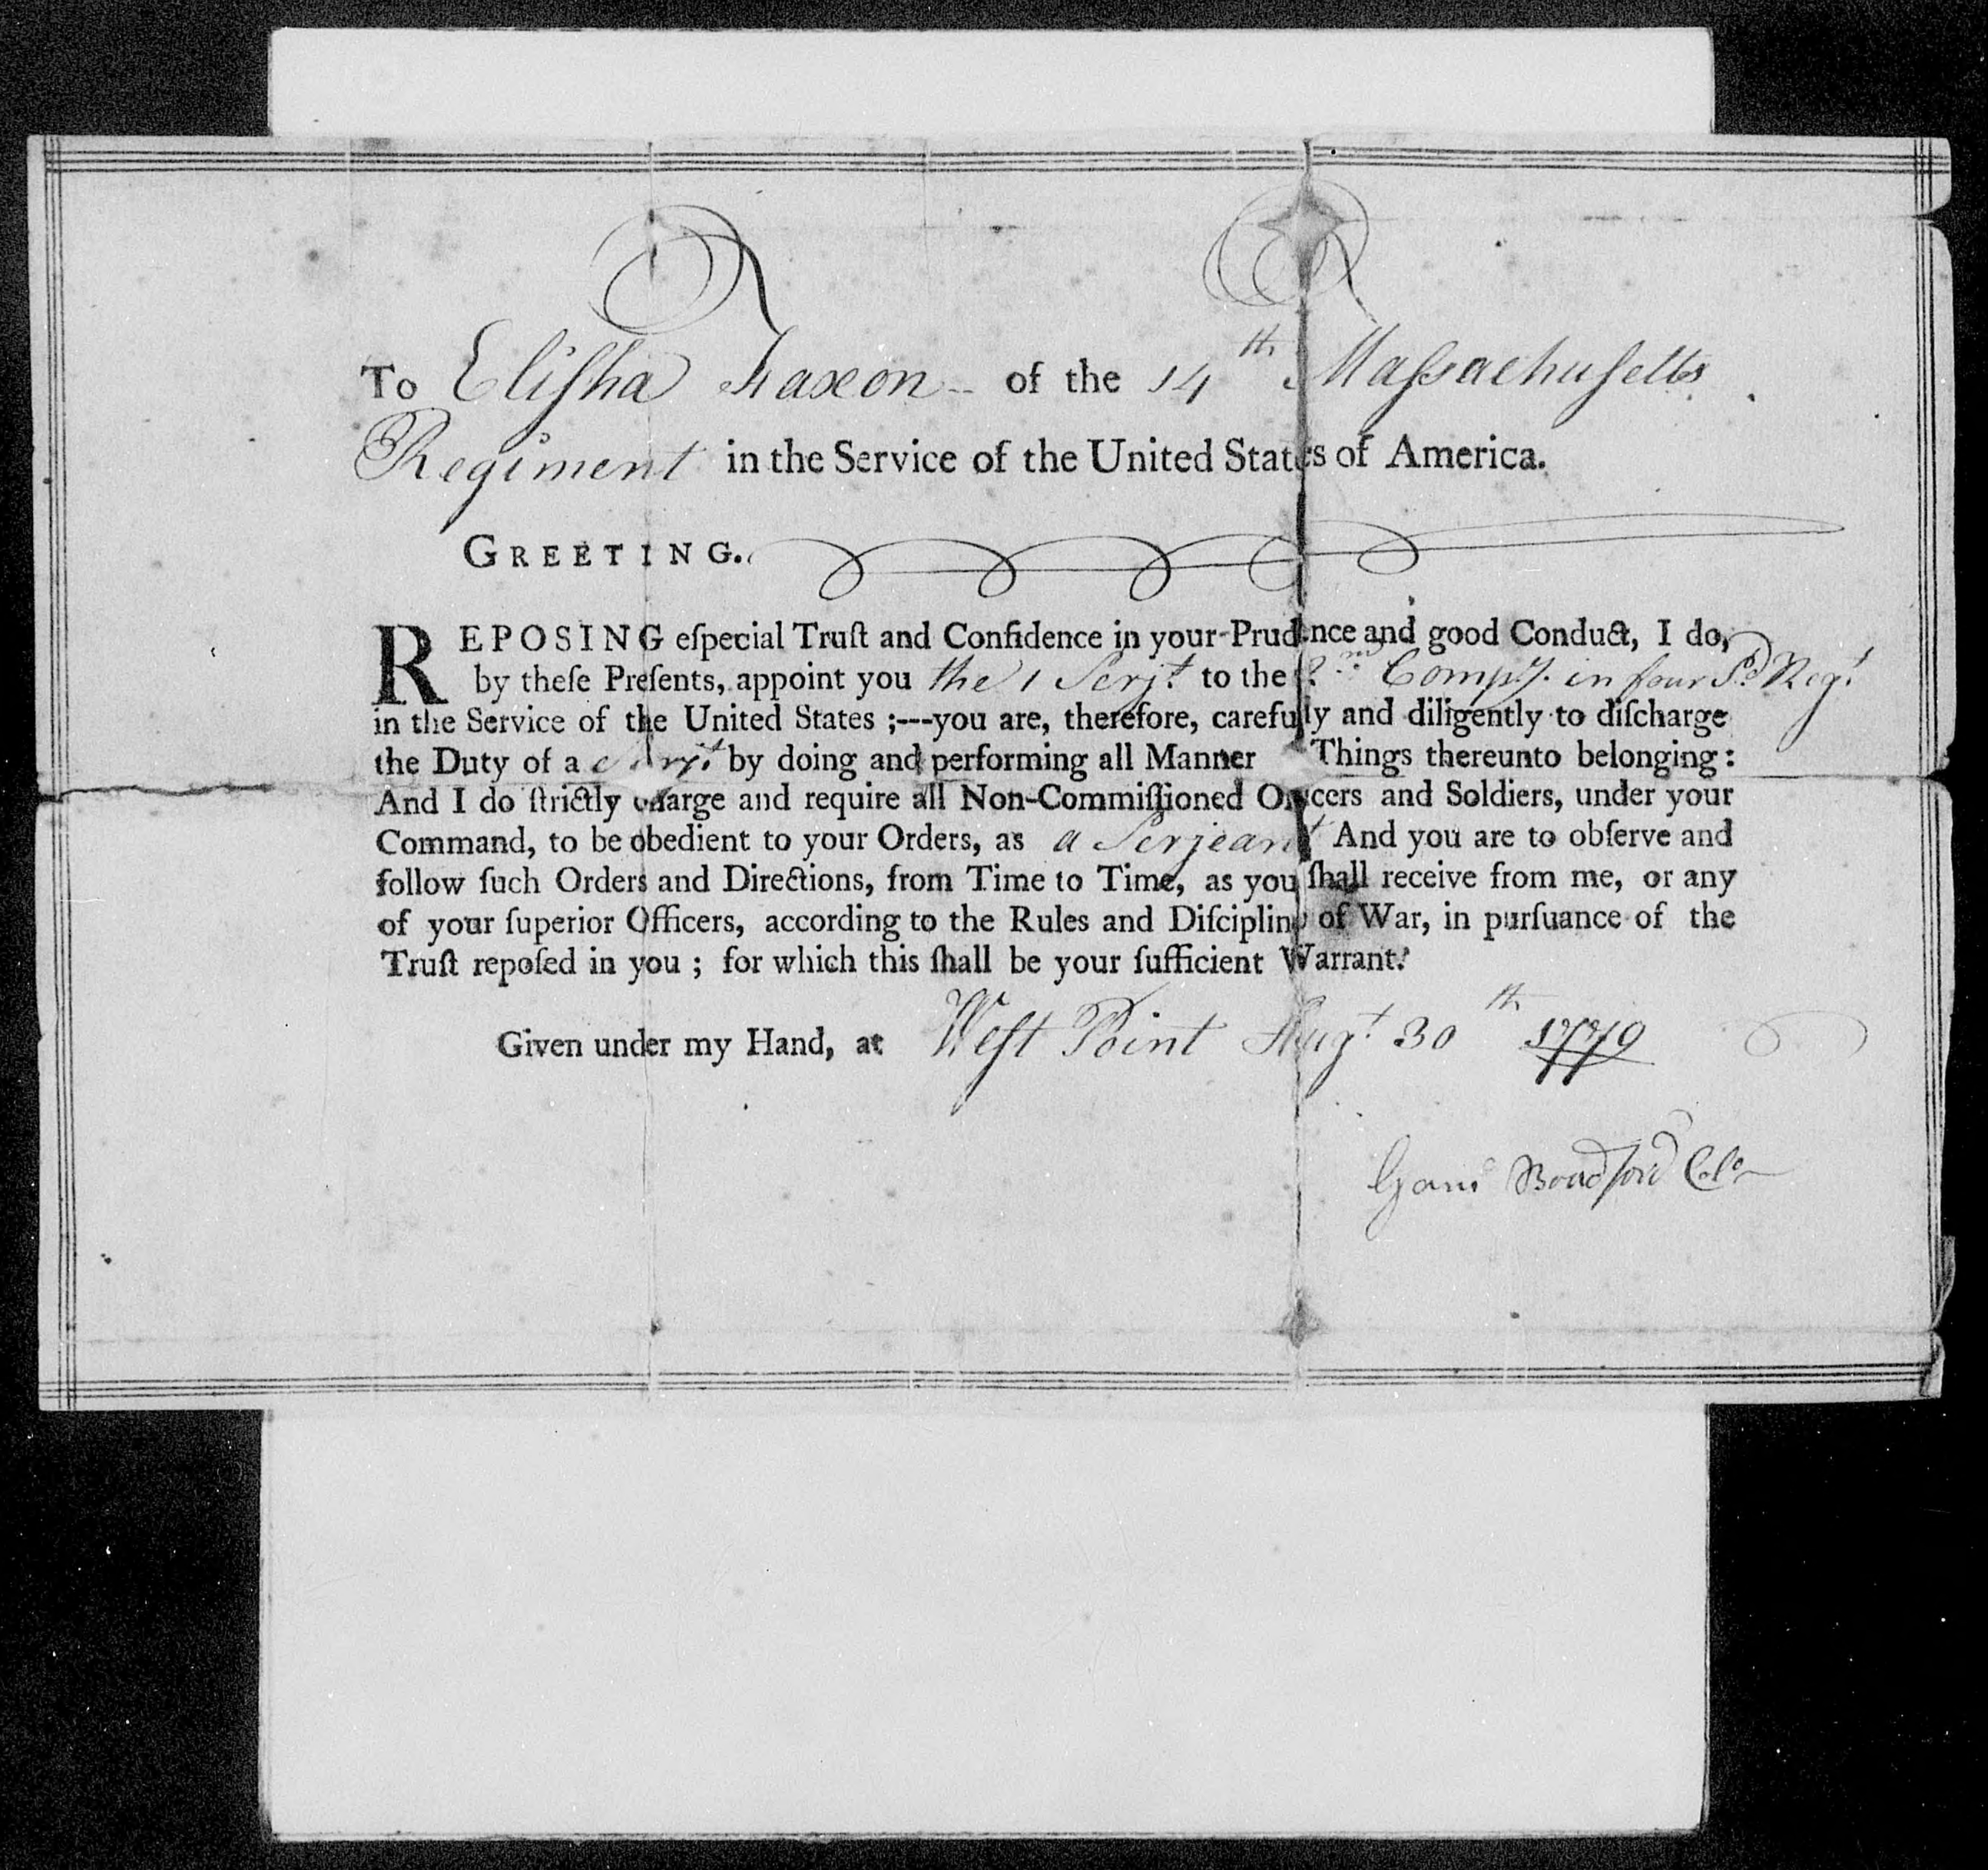To Elisha Faxon of the 14th Massachusetts Regiment in the Service of the United States of America.
Greeting
Reposing special Trst and Confidence in your Prudence and good Conduct, I do, by the Presents, appoint you the Sergt. to the (illegible) Company in fourteenth Regiment in the Service of the United States;---you are, therefore, carefully and diligently to discharge the Duty of a Sergt. by doing and performing all Manner of Things thereunto belonging: And I do strictly charge and require all Non-Commissioned Officers and Soldiers, under your Command, to be obedient to your Orders, as a Sergeant And you are to observe and follow such Orders and Directions, from Time to time, as you shall receive from me, or any of your superior Officers, according to the Rules and Disciplines of War, in pursuance of the Trust reposed in you; for which this shall be your sufficient Warrant.

Given under my Hand, at West Point August 30th 1779
(illegible) Bradford Colonel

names: Gorm Bradford, Elisha Faxon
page: 19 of 47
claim: widow's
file: W. 14703, Elisha Faxon, Mass